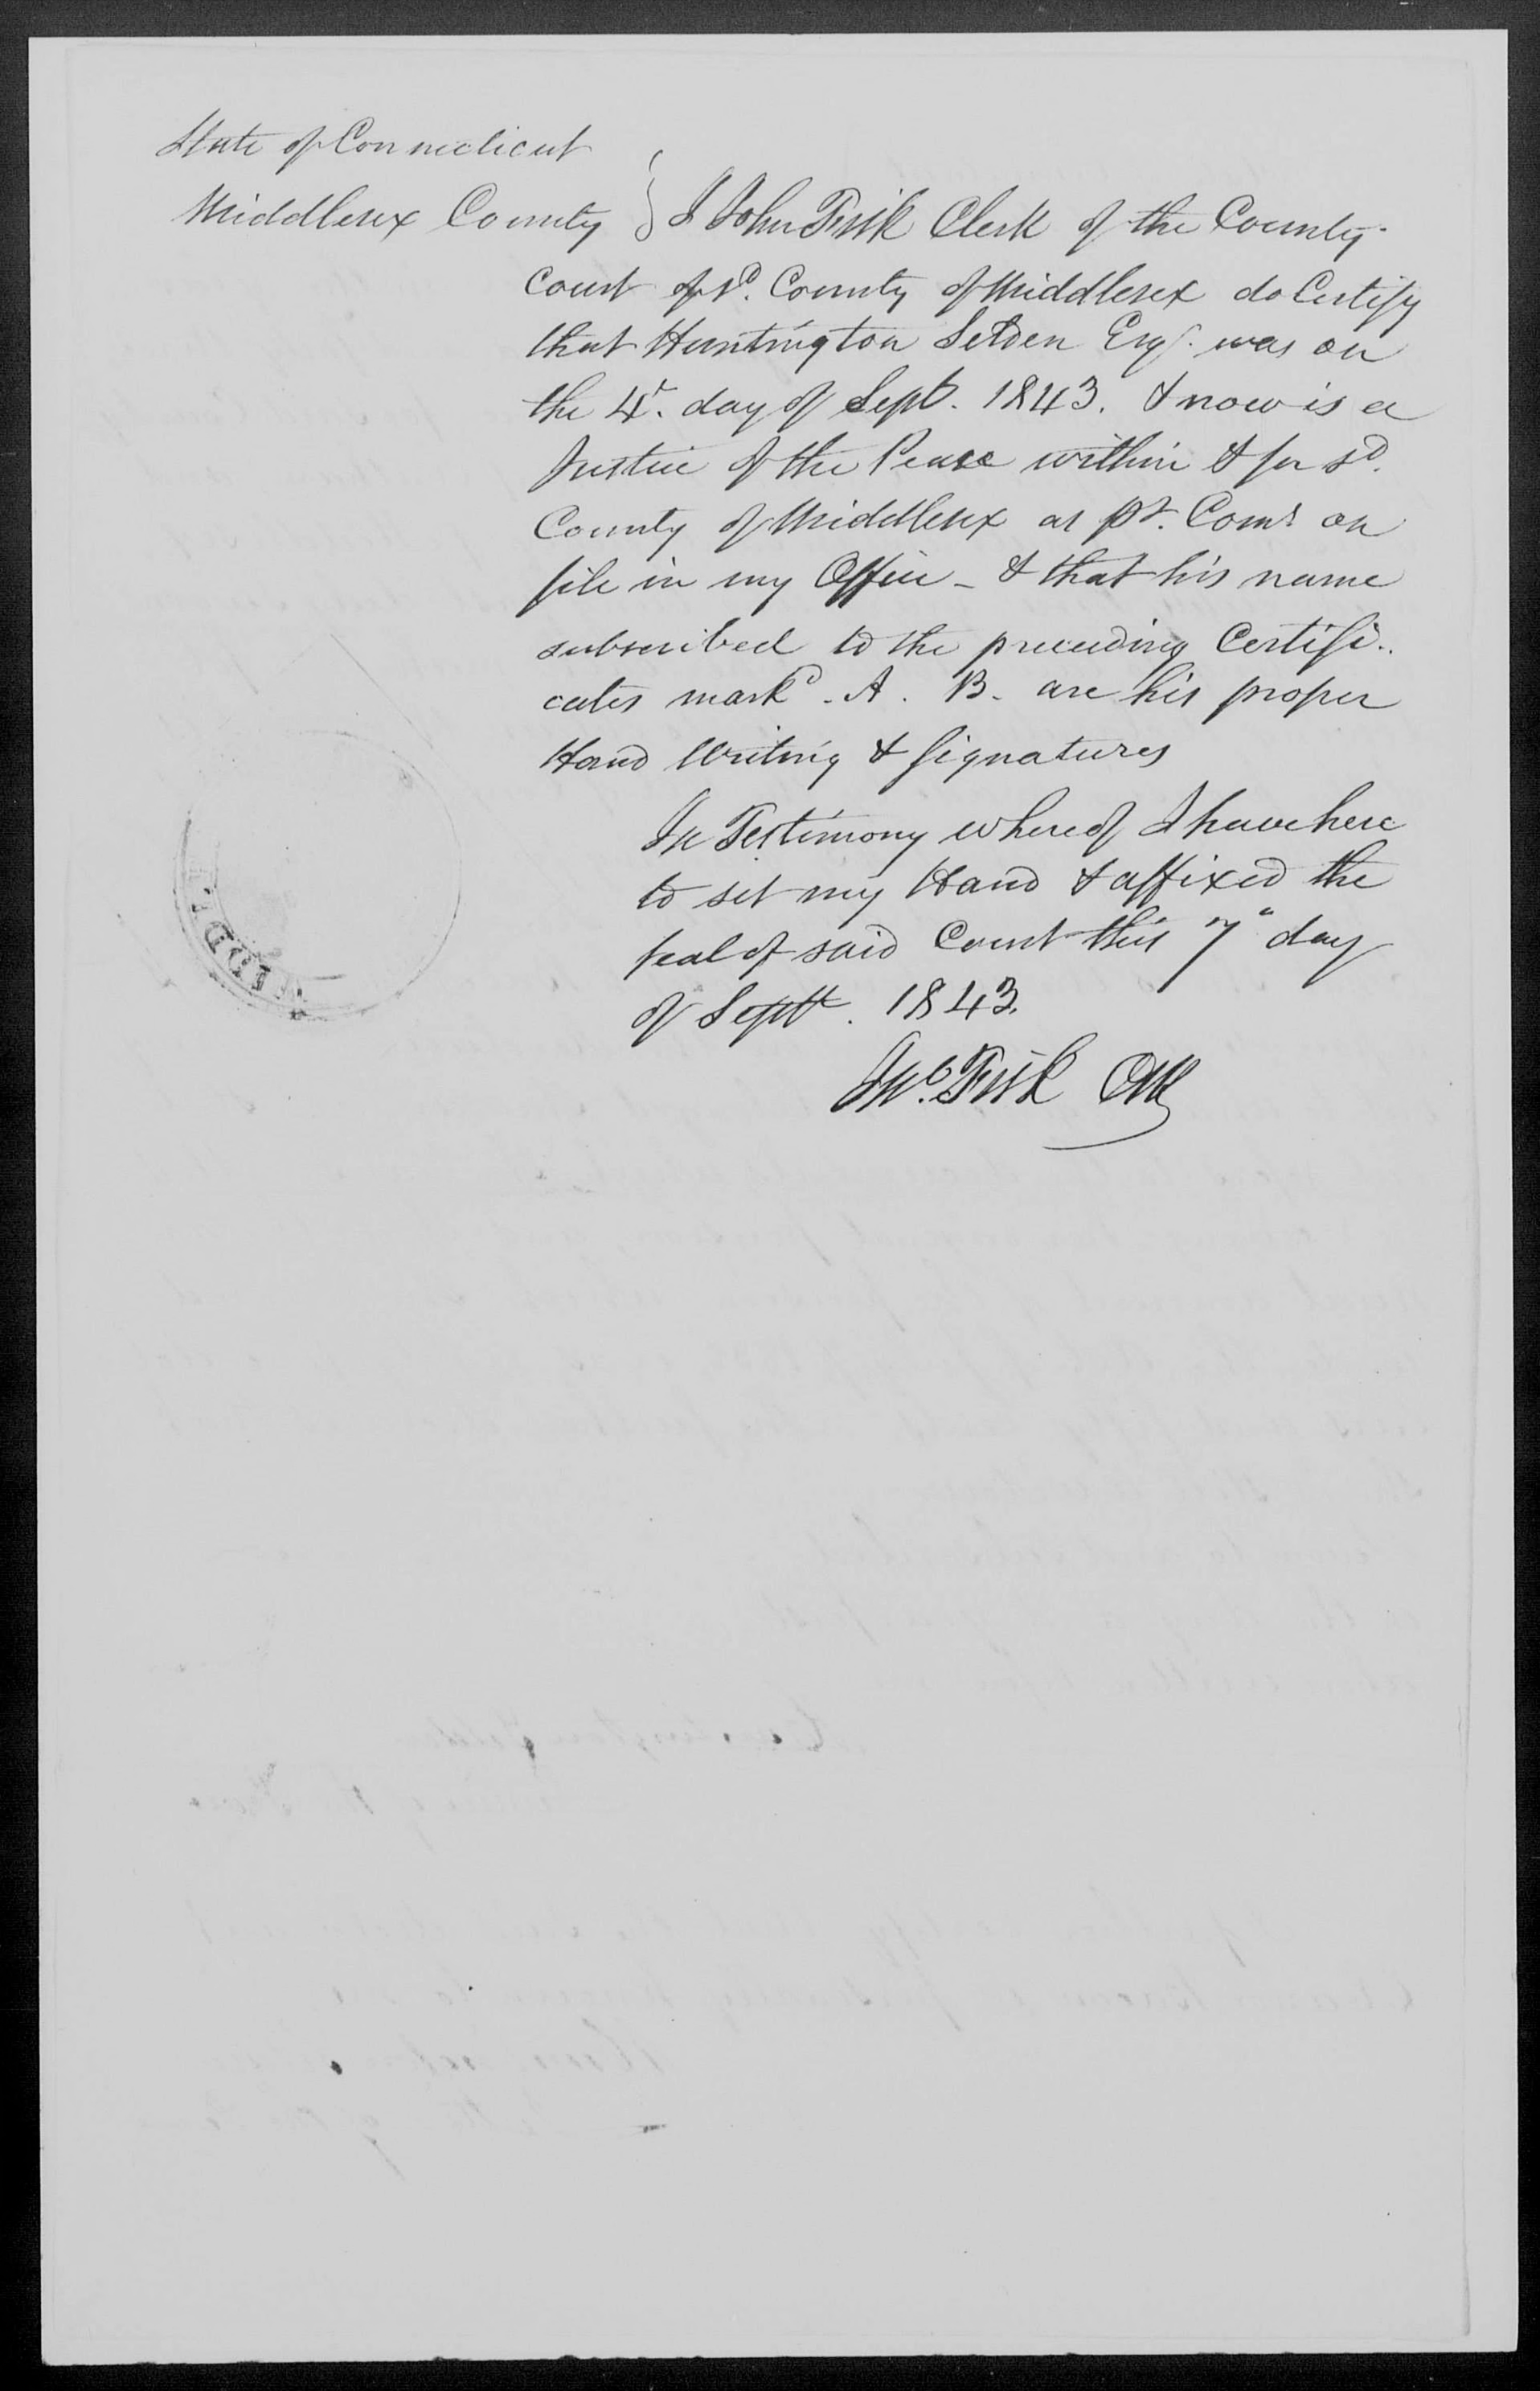State of Connecticut}
Middlesex County }

I John Fisk Clerk of the County Court of said County of Middlesex do Certify that Huntington Selden Esq was on the 4th day of Sept. 1843 & now is a Justice of the Peace within & for said County of Middlesex as per Coms? on file in my Office & that his name subscribed to the preceding Certificates mark A. B. are his proper Hand Writing & Signatures. 

In Testimony where of I have here to set my Hand & affixed the Seal of said Court this 7th day of Sept. 1843

John Fisk, Clerk

(Seal is partially seen on left)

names: Jno Fisk, John Fisk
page: 20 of 24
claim: widow's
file: W. 25190, Joseph Bacon, Continental (Conn)